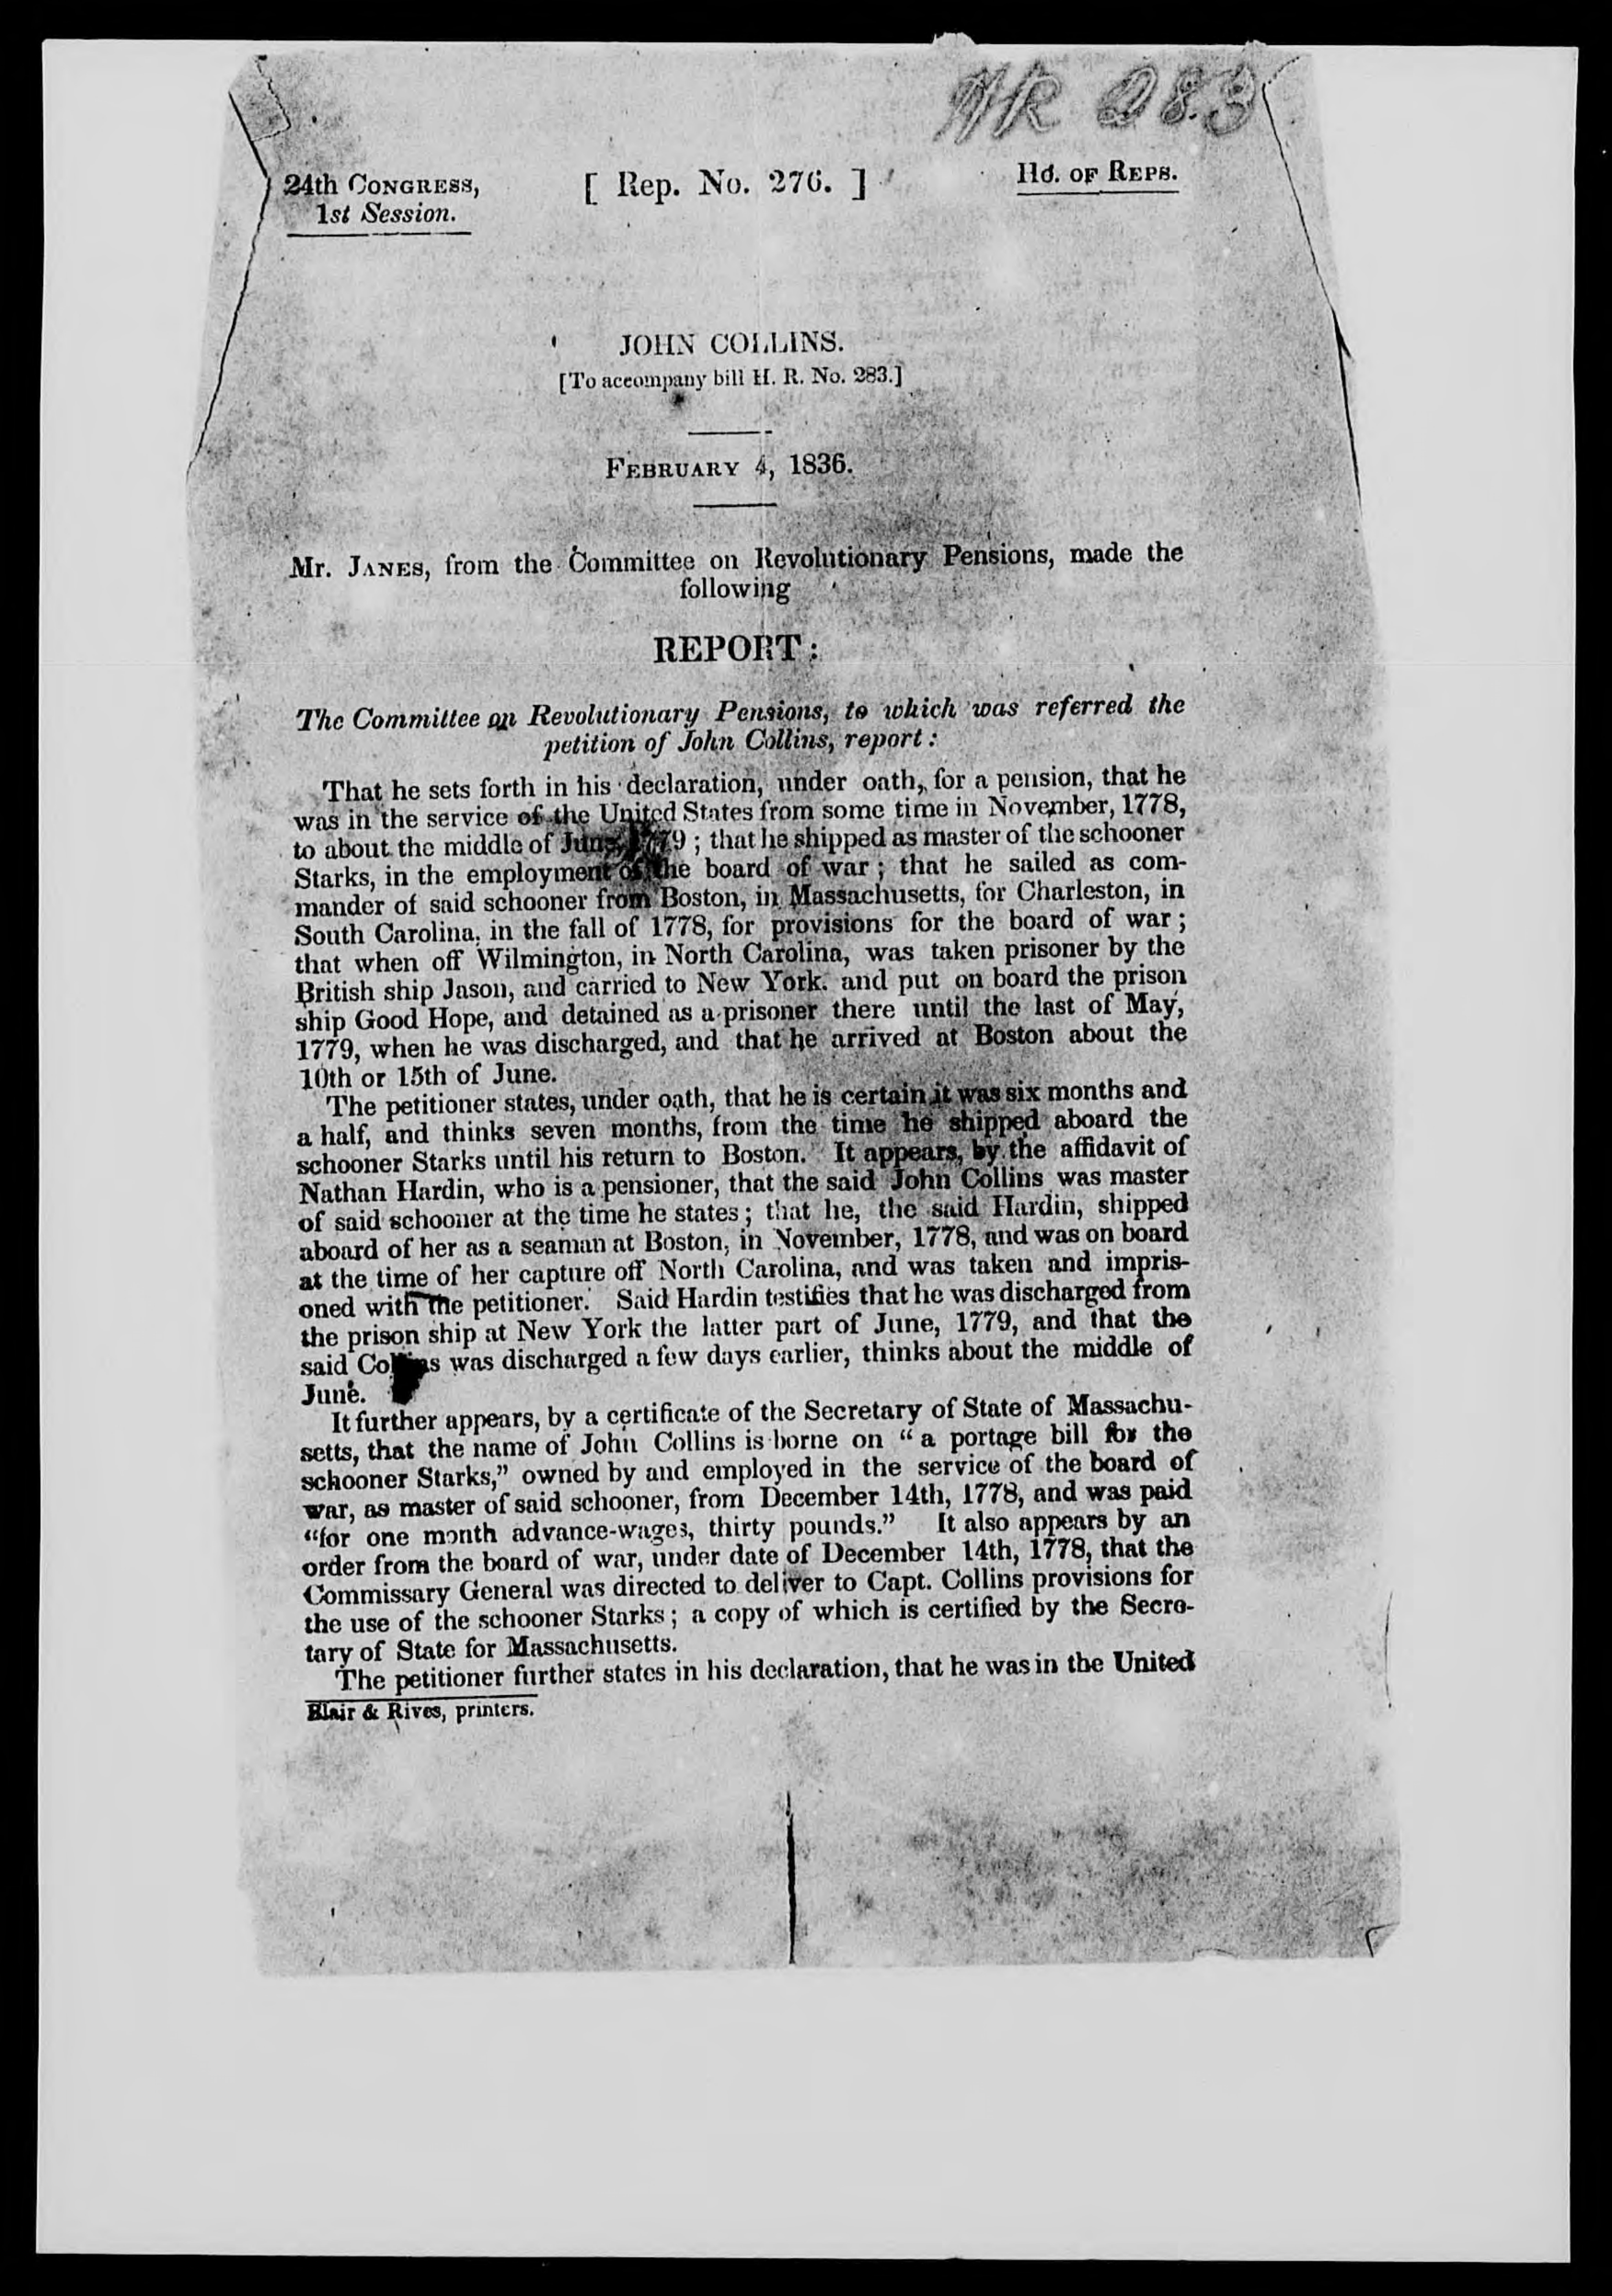H. R. No. 283.
24th CONGRESS, 1st Session. [Rep. No. 276.] Ho. of REPS 
JOHN COLLINS. [To accompany bill H.R. No. 284]
FEBRUARY 4, 1836. 

MR. JANES, from the Committee on Revolutionary Pensions, made the following 
REPORT: 

The Committee on Revolutionary Pensions, to which was referred the petition of John Collins, report: That he sets forth in his declaration, under oath, for a pension, that he was in the service of the United States from some time in November, 1778, to about the middle of June; that he shipped as master of the schooner Starks, in the employment the board of war; that he sailed as commander of said schooner from Boston, in Massachusetts, for Charleston, in South Carolina, in the fall of 1778, for provisions for the board of war; that when off Wilmington, in North Carolina, was taken prisoner by the that when on British ship Jason, and carried to New York, and put on board the prison ship Good Hope, and detained as a prisoner there until the last of May, 1779, when he was discharged, and that he arrived at Boston about the 10th or 15th ofJune. 

The petitioner states under oath, that he is certain it was six months and a half, and thinks seven months from the time shipped aboard the Schooner Starks until his return to Boston. It appears, by the affidavit of Nathan Hardin, who is a pensioner, that the said John Collins was master of said schooner at the time he states; that he, the said Hardin, shipped . aboard of her as a seaman at Boston, in November, 1778, and was on board at the time of her capture off North Carolina, and was taken and imprisoned with the petitioner. Said Hardin testifies that he was discharged from the prison ship at New York the latter part of June, 1779, and that the said Collins was discharged a few days earlier, thinks about the middle of June. 

It further appears, by a certificate of the Secretary of State of Massachusetts , that the name of John Collins is borne on a portage bill for the schooner Starks," owned by and employed in the service of the board of war, as master of said schooner, from December 14th, 1778, and was paid for one month advance-wages, thirty pounds." It also appears by an order from the board of war, under date of December 14th, 1778, that the Commissary General was directed to deliver to Capt. Collins provisions for the use of the schooner Starks; a copy of which is certified by the Secretary of State for Massachusetts. 

The petitioner further states in his declaration, that he was in the United 
---------
Blair & Rives, printers.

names: John Collins, Janes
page: 36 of 43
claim: survivor's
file: S. 29,732, John Collins, Mass. Navy